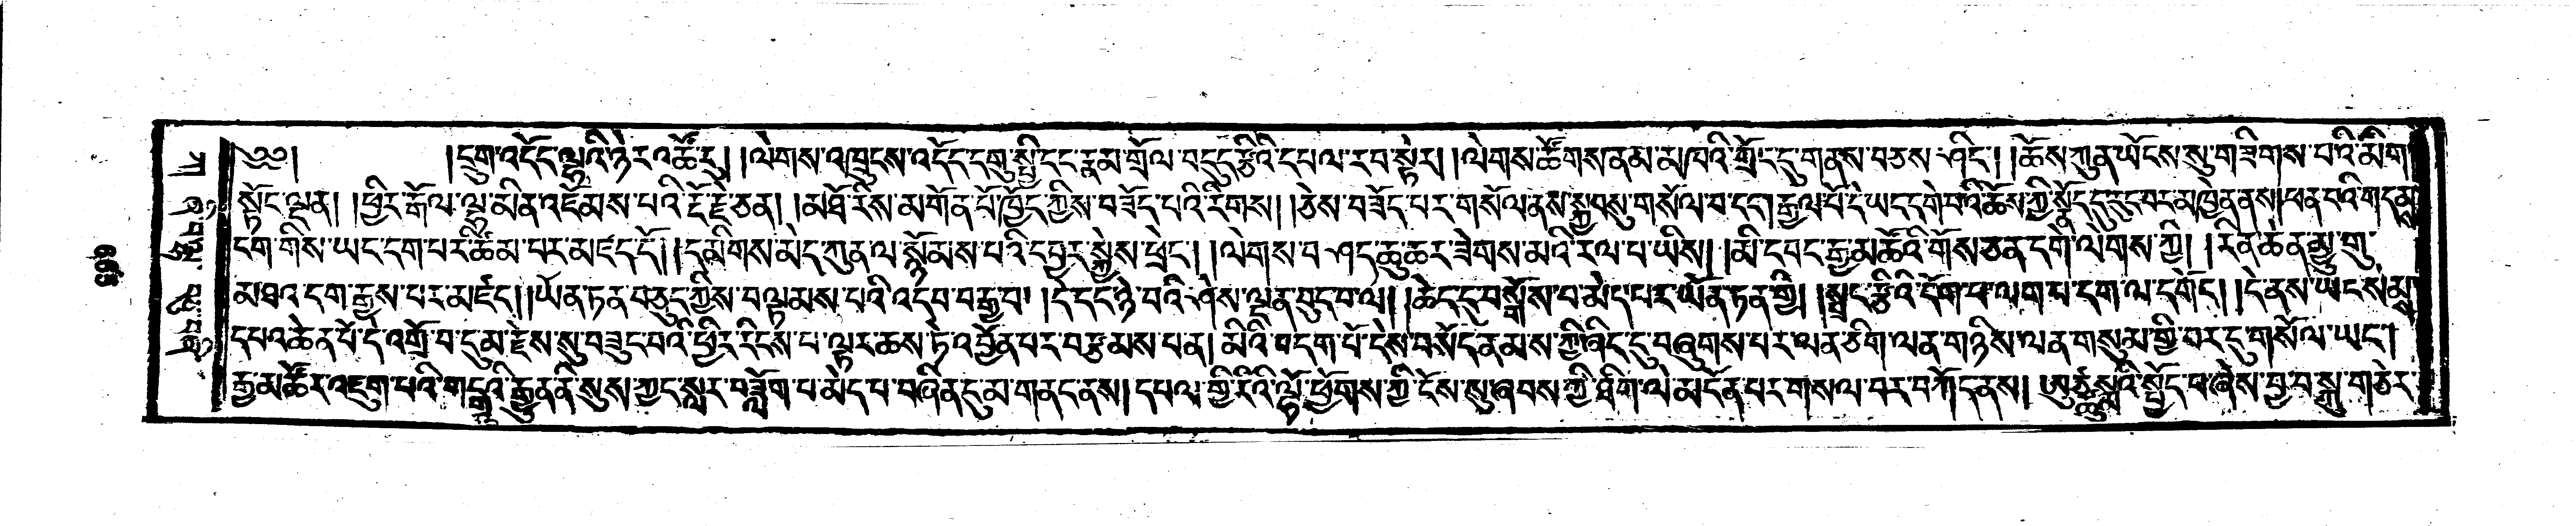༄༅། །དྲུག་འདོད་ལྷའི་ཉེར་འཚོ་རུ། །ལེགས་འཁྲུངས་འདོད་དགུ་སྤྱི་དང་རྣམ་གྲོལ་བདུད་རྩིའི་དཔལ་རབ་སྟེར། །ལེགས་ཚོགས་ནམ་མཁའི་གྲོང་དུ་གནས་བཅས་ཤིང་། །ཆོས་ཀུན་ཡོངས་སུ་གཟིགས་པའི་མིག་
སྟོང་ལྡན། །ཕྱིར་རྒོལ་ལྷ་མིན་འཇོམས་པའི་རྡོ་རྗེ་ཅན། །མཐོ་རིས་མགོན་པོ་ཁྱོད་ཀྱིས་བཟོད་པའི་རིགས། །ཅེས་བཟོད་པར་གསོལ་ནས་སྐྱབས་སུ་གསོལ་བ་དང་། རྒྱལ་པོ་དེ་ཡང་དགེ་བའི་ཆོས་ཀྱི་སྣོད་དུ་རུང་བར་མཁྱེན་ནས། ཕན་པའི་གདམས་
ངག་གིས་ཡང་དག་པར་ཚིམ་པར་མཛད་དོ། །དམིགས་མེད་ཀུན་ལ་སྙོམས་པའི་དབྱར་སྐྱེས་ཕྲེང་། །ལེགས་བཤད་ཆུ་ཆར་ཟེགས་མའི་རལ་པ་ཡིས། །མི་དབང་རྒྱ་མཚོའི་གོས་ཅན་དགེ་ལེགས་ཀྱི། །རིན་ཆེན་མྱུ་གུ་
མཐའ་དག་རྒྱས་པར་མཛད། །ཡོན་ཏན་བཅུད་ཀྱིས་བལྟམས་པའི་འདབ་བརྒྱ་པ། །དེ་དང་ཉེ་བའི་ཤེས་ལྡན་བུང་བ་ལ། །ཆེད་དུ་བསྒོས་པ་མེད་པར་ཡོན་ཏན་གྱི། །སྦྲང་རྩིའི་དོག་པ་ལག་པ་དག་ལ་དགོང་། །དེ་ནས་ཡང་སེམས་
དཔའ་ཆེན་པོ་དེ་འགྲོ་བ་དུ་མ་རྗེས་སུ་བཟུང་བའི་ཕྱིར་རིངས་བ་ལྟར་ཆས་ཏེ་འབྱོན་པར་བརྩམས་པ་ན། མིའི་བདག་པོ་དེས་བསོད་ནམས་ཀྱི་ཞིང་དུ་བཞུགས་པར་ལན་ཅིག་ལན་གཉིས་ལན་གསུམ་གྱི་བར་དུ་གསོལ་ཡང་།
རྒྱ་མཚོར་འཇུག་པའི་གངྒཱའི་རྒྱུན་ནི་སུས་ཀྱང་སླར་བཟློག་པ་མེད་པ་བཞིན་དུ་མ་གནང་ནས། དཔལ་གྱི་རིའི་ལྷོ་ཕྱོགས་ཀྱི་ངོས་སུ་ཞབས་ཀྱི་ཐིག་ལེ་བདེན་པར་གསལ་བར་བཀོད་ནས། ཨུཙྪུ་སྨའི་སྤྱོད་པ་ཞེས་བྱ་བ་སྐུ་གཅེར་